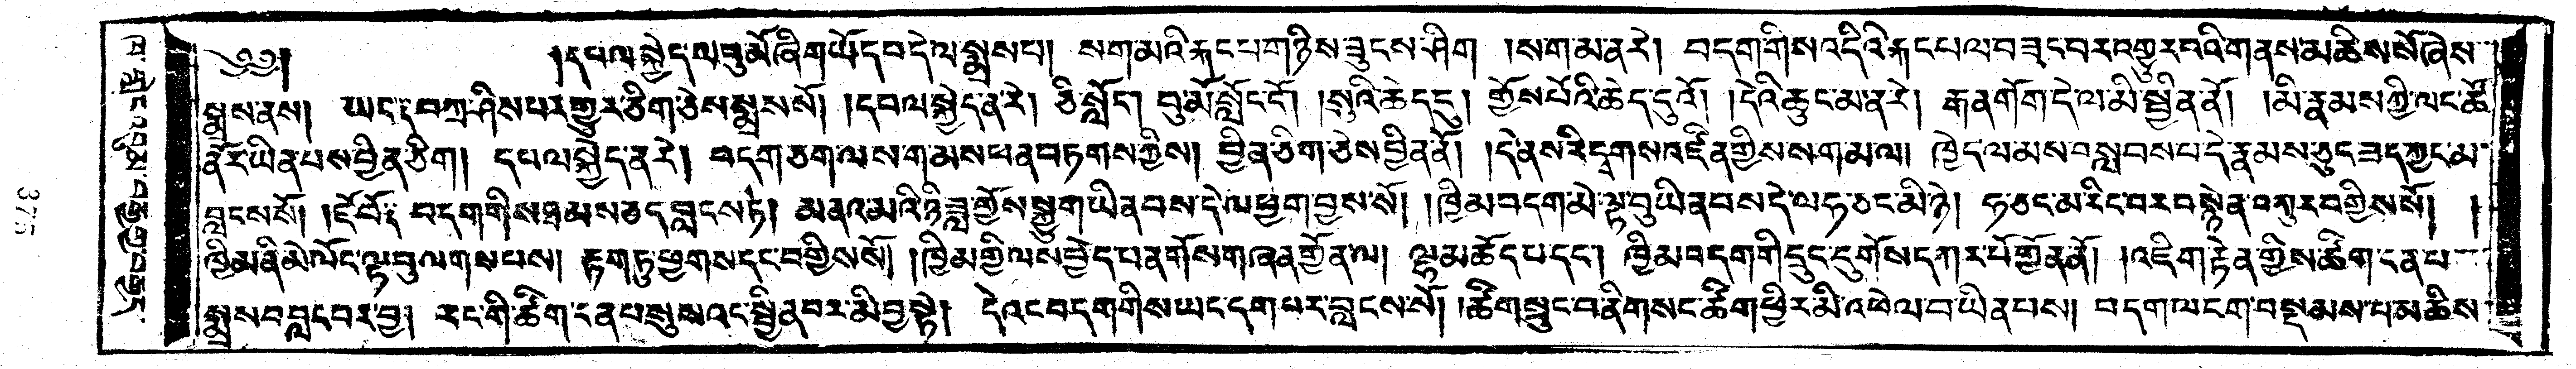༄༅། །དཔལ་སྐྱེད་ལ་བུ་མོ་ཞིག་ཡོད་པ་དེ་ལ་སྨྲས་པ། སག་མའི་རྐང་པ་གཉིས་ཟུངས་ཤིག །ས་ག་མ་ན་རེ། བདག་གིས་འདིའི་རྐང་པལ་བཟང་བར་འགྱུར་བའི་གནས་མཆིས་སོ་ཞེས་
སྨྲས་ནས། ཡང༑ བཀྲ་ཤིས་པར་གྱུར་ཅིག་ཅེས་སྨྲས་སོ། །དབལ་སྐྱེད་ན་རེ། ཅི་སློང་། བུ་མོ་སློང་ངོ། །སུའི་ཆེད་དུ། གྱོས་པོའི་ཆེད་དུའོ། །དེའི་ཆུང་མ་ན་རེ། རྒན་གོག་དེ་ལ་མི་སྦྱིན་ནོ། །མི་རྣམས་ཀྱི་ལང་ཚོ་
ནོར་ཡིན་པས་བྱིན་ཅིག། དཔལ་སྐྱེད་ན་རེ། བདག་ཅག་ལས་ག་མས་ཕན་བཏགས་ཀྱིས། བྱིན་ཅིག་ཅེས་བྱིན་ནོ། །དེ་ནས་རི་དྭགས་འཛིན་གྱིས་སག་མ་ལ། ཁྱེད་ལ་མས་བསླབས་པ་དེ་རྣམས་ཅུང་ཟད་ཀྱང་མ་
བླངས་སོ། །ཇོ་བོ༑ བདག་གིས་ཐམས་ཅད་བླངས་ཏེ། མནའ་མའི་ཉི་ཟླ་གྱོས་སྐྱུག་ཡིན་བས་དེ་ལ་ཕྱག་བྱས་སོ། །ཁྱིམ་བདག་མེ་ལྟ་བུ་ཡིན་བས་དེ་ལ་ཧ་ཅང་མི་ཉེ། ཧ་ཅང་མ་རིང་བར་བསྙེན་བཀུར་བགྱིས་སོ། །
ཁྱིམ་ནི་མེ་ལོང་ལྟ་བུ་ལགས་པས། རྟག་ཏུ་ཕྱགས་དང་བགྱིས་སོ། །ཁྱིམ་གྱི་ལས་བྱེད་པན་གོས་གཞན་གྱོན་ལ། ལྷ་མཆོད་པ་དང་། ཁྱིམ་བདག་གི་དྲུང་དུ་གོས་དཀར་པོ་གྱོན་ནོ། །འཇིག་རྟེན་གྱིས་ཚིག་ངན་པ་
སྨྲས་བླང་བར་བྱ། རང་གི་ཚིག་ངན་པ་སུ་སའང་སྦྱིན་བར་མི་བྱ་སྟེ། དེའང་བདག་གིས་ཡང་དག་པར་བླངས་སོ། །ཚིག་སྲུང་བ་ནི་གསང་ཚིག་ཕྱིར་མི་འཕེལ་བ་ཡིན་པས། བདག་ལ་ངག་བསྡམས་པ་མཆིས་